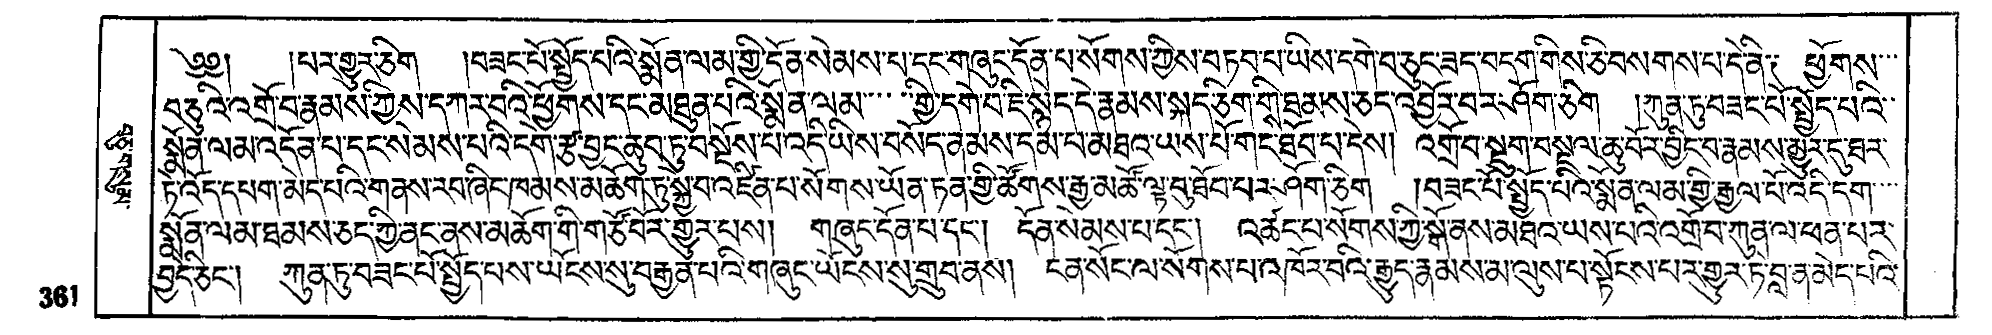༄༅། །པར་གྱུར་ཅིག །བཟང་པོ་སྤྱོད་པའི་སྨོན་ལམ་གྱི་དོན་སེམས་པ་དང་གཞུང་དོན་པ་སོགས་ཀྱིས་བཏབ་པ་ཡིས་དགེ་བ་ཅུང་ཟད་བདག་གིས་ཅི་བསགས་པ་དེ་ནི༑ ཕྱོགས་
བཅུའི་འགྲོ་བ་རྣམས་ཀྱིས་དཀར་བའི་ཕྱོགས་དང་མཐུན་པའི་སྨོན་ལམ་གྱི་དགེ་བ་ཇི་སྙེད་དེ་རྣམས་སྐད་ཅིག་གིས་ཐམས་ཅད་འབྱོར་བར་ཤོག་ཅིག །ཀུན་ཏུ་བཟང་པོ་སྤྱོད་པའི་
སྨོན་ལམ་འདོན་པ་དང་སེམས་པའི་དགེ་རྩ་བྱང་ཆུབ་ཏུ་བསྔོས་པ་འདི་ཡིས་བསོད་ནམས་དམ་པ་མཐའ་ཡས་པོ་གང་ཐོབ་པ་དེས། འགྲོ་བ་སྡུག་བསྔལ་ཆུ་བོར་བྱིང་བ་རྣམས་མྱུར་དུ་ཐར་
ཏེ་འོད་དཔག་མེད་པའི་གནས་རབ་ཞིང་ཁམས་མཆོག་ཏུ་སྐྱེ་བ་འཛིན་པ་སོགས་ཡོན་ཏན་གྱི་ཚོགས་རྒྱ་མཚོ་ལྟ་བུ་ཐོབ་པར་ཤོག་ཅིག །བཟང་པོ་སྤྱོད་པའི་སྨོན་ལམ་གྱི་རྒྱལ་པོ་འདི་དག་
སྨོན་ལམ་ཐམས་ཅད་ཀྱི་ནང་ནས་མཆོག་གི་གཙོ་བོར་གྱུར་པས། གཞུང་དོན་པ་དང་། དོན་སེམས་པ་དང་། འཚང་པ་སོགས་ཀྱི་སྒོ་ནས་མཐའ་ཡས་པའི་འགྲོ་བ་ཀུན་ལ་ཕན་པར་
བྱེད་ཅིང་། ཀུན་ཏུ་བཟང་པོ་སྤྱོད་པས་ཡོངས་སུ་བརྒྱན་པའི་གཞུང་ཡོངས་སུ་གྲུབ་ནས། ངན་སོང་ལ་སོགས་པ་འཁོར་བའི་རྒྱུད་རྣམས་མ་ལུས་པ་སྟོངས་པར་གྱུར་ཏེ་བླ་ན་མེད་པའི་